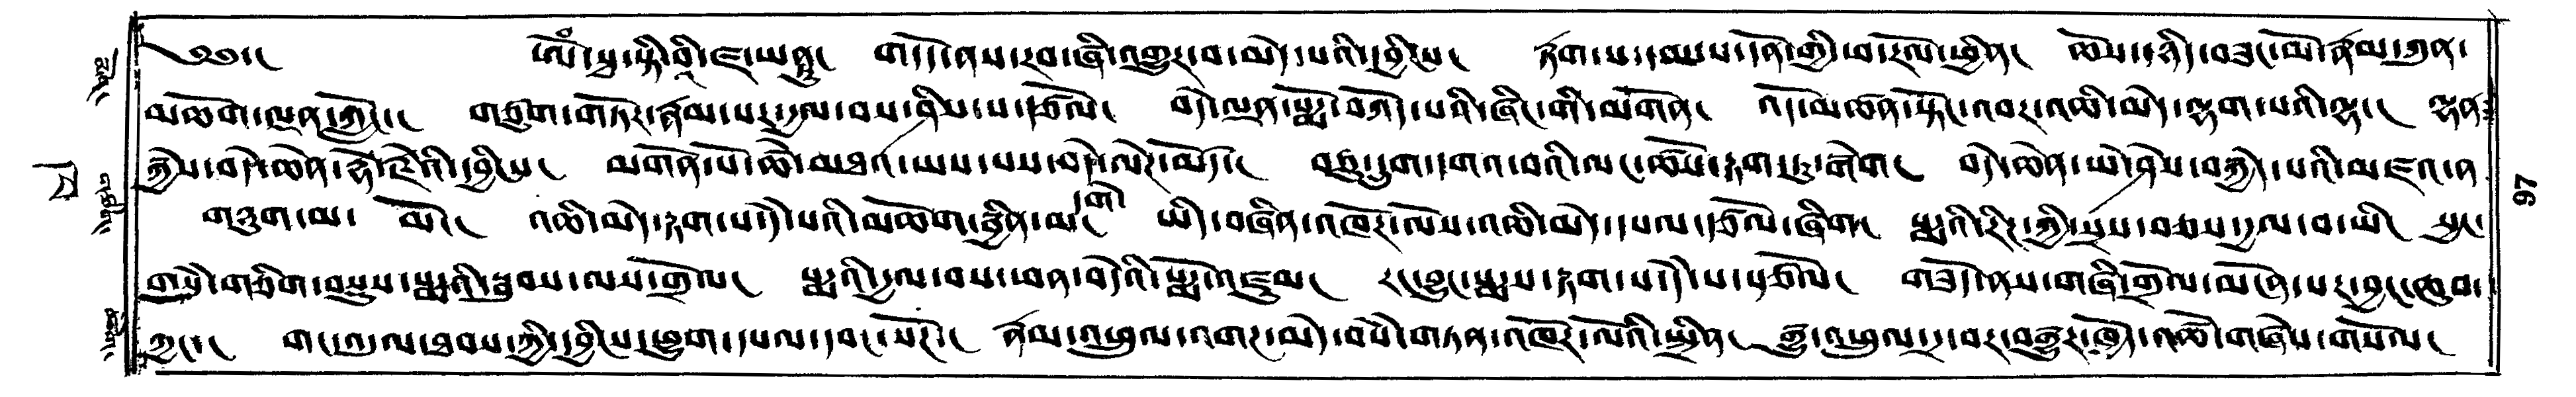ཨོཾ་སྭསྟི་བི་ཛཱ་ཡནྟུ། གདོད་ནས་རབ་ཞི་འགྱུར་བ་མེད་པའི་དབྱིངས། །རྟག་པ་དམ་པ་དོན་གྱི་ཕ་རོལ་ཕྱིན། ཆོས་ཉིད་བཟང་མོ་རྣམ་ཀུན་
མཆོག་ལྡན་ཀློང་། །གཙུག་གཏོར་རྣམ་པར་རྒྱལ་བས་ཤིས་པ་སྩོལ། བདེ་ལྡན་པདྨོ་བཀོད་པའི་ཞིང་གི་མགོན། །འོད་མཚན་སྟོང་འབར་འཆི་མེད་ལྷག་པའི་ལྷ། །ལྷན་
སྐྱེས་གཉུག་མ་བདེ་ཆེན་རྡོ་རྗེའི་དབྱིངས། མགོན་པོ་ཚེ་མཐའ་ཡས་པས་དགེ་ལེགས་མཛོད། །བཅུ་དྲུག་དགའ་བའི་ལང་ཚོས་རྟག་ཏུ་སྒེག །བདེ་ཆེན་ཡེ་ཤེས་བསྐྱེད་པའི་མཛའ་ན་
གཉུག་མ་ མོ། །འཆི་མེད་རྟག་པ་དམ་པའི་མཆོག་སྦྱིན་མ། །ཡིད་བཞིན་འཁོར་ལོས་འཆི་མེད་དཔལ་སྩོལ་ཞིག །པདྨའི་རིགས་ཀྱི་སྲས་བཅས་རྒྱལ་བ་ཡི། །གསང་
གསུམ་གཅིག་བསྡུས་པདྨའི་སྦུབས་ལས་གྲོལ། །པདྨའི་རྒྱལ་བས་ཕན་བདེའི་པདྨོ་འཛུམ། །རང་བྱུང་པདྨས་རྟག་པ་དམ་པ་སྩོལ། །བཟོད་ནས་གཞི་གྲོལ་མངོན་པར་བྱང་ཆུབ་
ཀྱང་། །གང་འདུལ་ཐབས་ཀྱིས་དབྱིངས་ཕྱུག་དཔལ་དབང་སོགས། །རྣམ་འཕྲུལ་འགགས་མེད་བསམ་གཏན་འཁོར་ལོའི་སྤྲིན། །སྒྱུ་འཕྲུལ་དྲ་བར་བསྒྱུར་ཁྱོད་འཚོ་གཞེས་གསོལ།